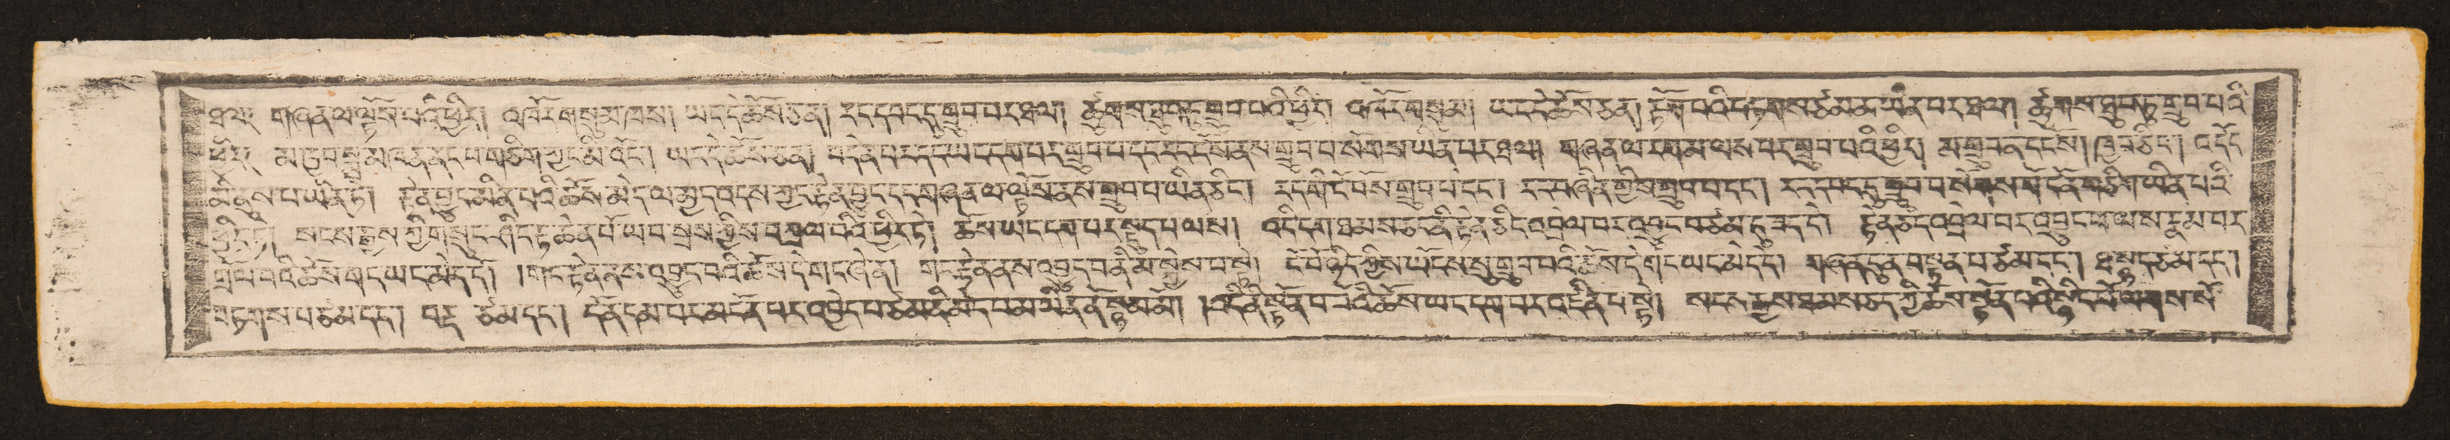ཐལ༑ གཞན་ལ་ལྟོས་པའི་ཕྱིར། འཁོར་གསུམ་ཁས། ཡང་དེ་ཆོས་ཅན། རང་དབང་དུ་གྲུབ་བར་ཐལ། ཚུགས་ཐུབ་ཏུ་གྲུབ་པའི་ཕྱིར། འཁོར་གསུམ། ཡང་དེ་ཆོས་ཅན། རྟོག་པའི་བཏགས་ཙམ་མ་ཡིན་པར་ཐལ། ཚུགས་ཐུབ་ཏུ་གྲུབ་པའི་
ཕྱིར༑ མ་ཁྱབ་སྨྲ་མཁན་ནད་པ་གཅིག་ཀྱང་མི་འོང་། ཡང་དེ་ཆོས་ཅན། བདེན་བར་དང་ཡང་དག་པར་གྲུབ་པ་དང་རང་ངོས་ནས་གྲུབ་པ་སོགས་ཡིན་པར་ཐལ། གཞན་ལ་རག་མ་ལས་པར་གྲུབ་པའི་ཕྱིར། མ་གྲུབ་ན་དངོས། ཁྱབ་ཅིང་། འདོད་
མི་ནུས་པ་ཡིན་ཏེ། རྟེན་བྱུང་མིན་པའི་ཆོས་མེད་ལ་མྱང་འདས་ཀྱང་རྟེན་བྱུང་དང་གཞན་ལ་ལྟོས་ནས་གྲུབ་པ་ཡིན་ཅིང་། རང་གི་ངོ་བོས་གྲུབ་པ་དང་། རང་བཞིན་གྱིས་གྲུབ་པ་དང་། རང་དབང་དུ་གྲུབ་བ་སོགས་གོ་དོན་གཅིག་ཡིན་པའི་
ཕྱིར་ཏེ། སངས་རྒྱས་ཀྱི་གསུང་ཤིང་རྟ་ཆེན་པོ་ཡབ་སྲས་ཀྱིས་བཀྲལ་བའི་ཕྱིར་ཏེ། ཆོས་ཡང་དག་པར་སྡུད་པ་ལས། འདི་དག་ཐམས་ཅད་ནི་རྟེན་ཅིང་འབྲེལ་བར་འབྱུང་བ་ཙམ་དུ་ཟད་དེ། རྟེན་ཅིང་འབྲེལ་བར་འབྱུང་བ་ལས་རྣམ་བར་
གྲོལ་བའི་ཆོས་གང་ཡང་མེད་དོ། །གང་རྟེན་ནས་འབྱུང་བའི་ཆོས་དེ་གང་ཞེ་ན། གང་རྟེན་ནས་འབྱུང་བ་ནི་མ་སྐྱེས་བ་སྟེ། ངོ་བོ་ཉིད་ཀྱིས་ཡོངས་སུ་གྲུབ་པའི་ཆོས་དེ་གང་ཡང་མེད་དེ། གཞན་དུ་ན་བསྟན་པ་ཙམ་དང་། ཐ་སྙད་ཙམ་དང་།
བཏགས་པ་ཙམ་དང་། བརྡ་ཙམ་དང་། དོན་དམ་པར་མངོན་པར་འབྱེད་པ་ཙམ་ནི་མེད་པ་མ་ཡིན་ནོ་སྙམ་མོ། །འདི་ནི་སྟོན་པ་པོའི་ཆོས་ཡང་དག་པར་འཛིན་པ་སྟེ། སངས་རྒྱས་ཐམས་ཅད་ཀྱི་ཆོས་སྟོན་པའི་སྙིང་པོ་ལགས་སོ་